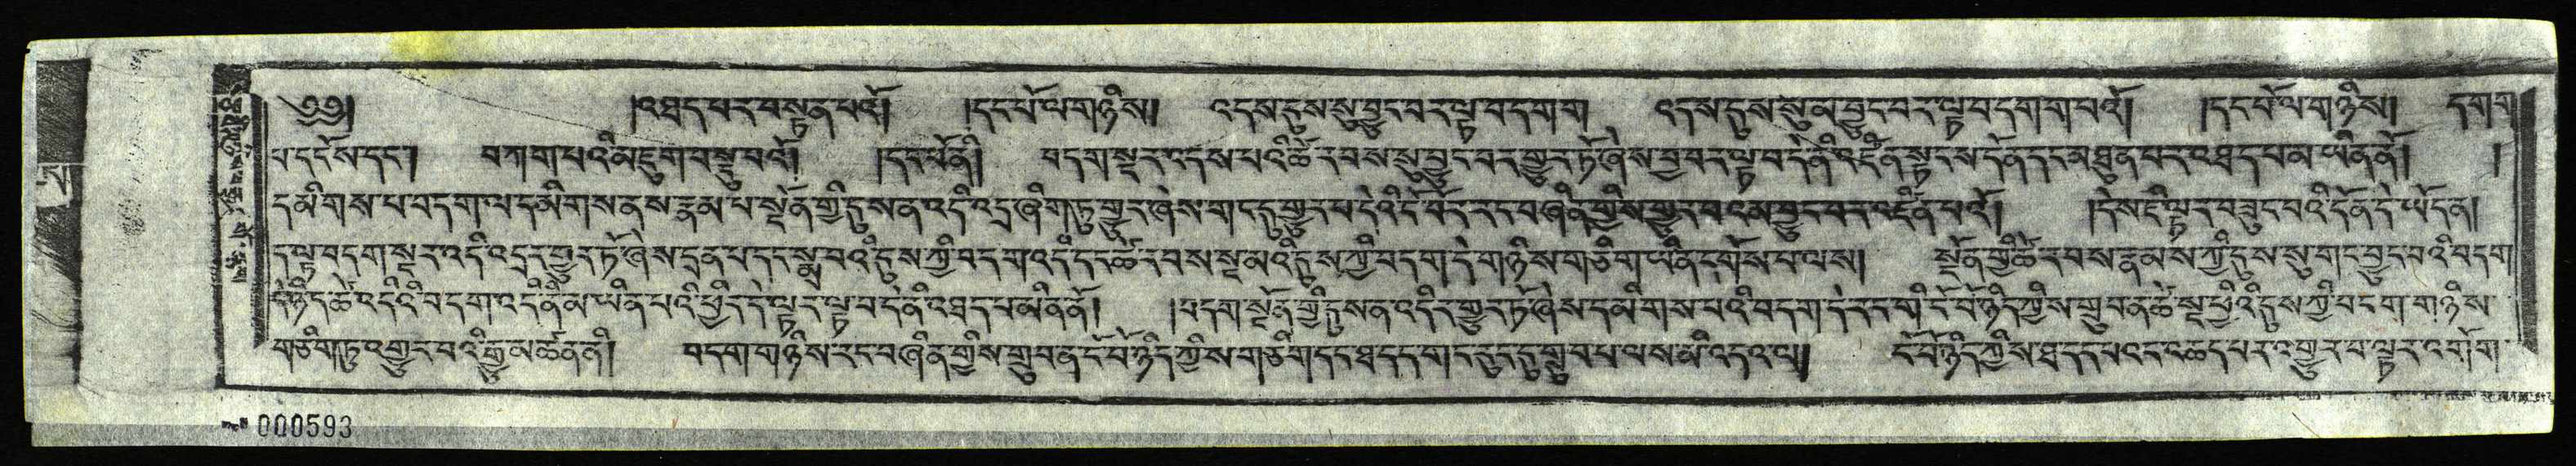༄༅། །འཐད་པར་བསྟན་པའོ། །དང་པོ་ལ་གཉིས། འདས་དུས་སུ་བྱུང་བར་ལྟ་བ་དགག་འདས་དུས་སུ་མ་བྱུང་བར་ལྟ་བ་དགག་པའོ། །དང་པོ་ལ་གཉིས། དགག་
པ་དངོས་དང་། བཀག་པའི་མཇུག་བསྡུ་བའོ། །དང་པོ་ནི། བདག་སྔར་འདས་པའི་ཚེ་རབས་སུ་བྱུང་བར་གྱུར་ཏོ་ཞེས་བྱ་བར་ལྟ་བ་དེ་ནི་འཛིན་སྟངས་དོན་དང་མཐུན་པར་འཐད་པ་མ་ཡིན་ནོ། །
དམིགས་པ་བདག་ལ་དམིགས་ནས་རྣམ་པ་སྔོན་གྱི་དུས་ན་འདི་འདྲ་ཞིག་ཏུ་གྱུར་ཞེས་གང་དུ་གྱུར་པ་དེའི་ངོ་བོར་རང་བཞིན་གྱིས་གྱུར་བའམ་བྱུང་བར་འཛིན་པའོ། །དེས་ཇི་ལྟར་བཟུང་བའི་དོན་དེ་ཡོད་ན།
ད་ལྟ་བདག་སྔར་འདི་འདྲར་གྱུར་ཏོ་ཞེས་དྲན་པ་དང་སྨྲ་བའི་དུས་ཀྱི་བདག་འདི་དང་ཚེ་རབས་སྔ་མའི་དུས་ཀྱི་བདག་དེ་གཉིས་གཅིག་ཡིན་དགོས་པ་ལས། སྔོན་གྱི་ཚེ་རབས་རྣམས་ཀྱི་དུས་སུ་གང་བྱུང་བའི་བདག་
དེ་ཉིད་ཚེ་འདིའི་བདག་འདི་ནི་མ་ཡིན་པའི་ཕྱིར་དེ་ལྟར་ལྟ་བ་དེ་ནི་འཐད་པ་མིན་ནོ། །བདག་སྔོན་གྱི་དུས་ན་འདིར་གྱུར་ཏོ་ཞེས་དམིགས་པའི་བདག་དེ་རང་གི་ངོ་བོ་ཉིད་ཀྱིས་གྲུབ་ན་ཚེ་སྔ་ཕྱིའི་དུས་ཀྱི་བདག་གཉིས་
གཅིག་ཏུ་འགྱུར་བའི་རྒྱུ་མཚན་ནི། བདག་གཉིས་རང་བཞིན་གྱིས་གྲུབ་ན་ངོ་བོ་ཉིད་ཀྱིས་གཅིག་དང་ཐ་དད་གང་རུང་དུ་གྲུབ་པ་ལས་མི་འདའ་ལ། ངོ་བོ་ཉིད་ཀྱིས་ཐ་དད་པའང་འཆད་པར་འགྱུར་བ་ལྟར་འགོག་